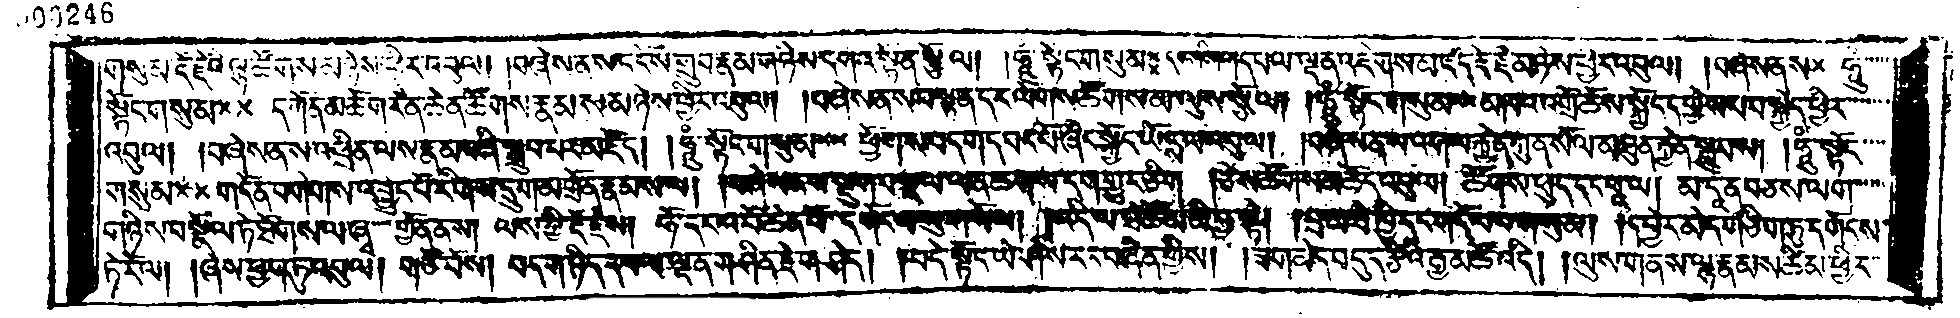གསུམ་རྡོ་རྗེའི་ལྷ་ཚོགས་མཉེས་ཕྱིར་འཕུལ། །བཞེས་ནས་དངོས་གྲུབ་རྣམ་གཉིས་དགའ་སྟོན་སྩོལ། །ཧཱུཾ་སྟོང་གསུམ྾྾་དཔའ་གཅིག་ལ།? ་དཔལ་ལྡན་འཇིགས་མཛད་རྡོ་རྗེ་མཉེས་ཕྱིར་འབུལ། །བཞེས་ནས྾་ཧཱུཾ་
སྟོང་གསུམ྾྾་དཀོན་མཆོག་རིན་ཆེན་ཚོགས་རྣམས་མཉེས་ཕྱིར་འབུལ། །བཞེས་ནས་བསྟན་དང་ལེགས་ཚོགས་མ་ལུས་སྩོལ། །ཧཱུཾ་སྟོང་གསུམ྾྾་མཁའ་འགྲོ་ཆོས་སྐྱོང་དགྱེས་པ་བསྐྱེད་ཕྱིར་
འབུལ། །བཞེས་ནས་འཕྲིན་ལས་རྣམ་བཞི་སྒྲུབ་པར་མཛོད། །ཧཱུཾ་སྟོང་གསུམ྾྾་ཕྱོགས་བདག་དབང་པོ་ཞིང་སྐྱོང་ཡོངས་ལ་འབུལ། །བཞེས་ནས་འགལ་རྐྱེན་ཀུན་སོལ་མཐུན་རྐྱེན་སྒྲུབས། །ཧཱུཾ་སྟོང་
གསུམ྾྾་གདོན་བགེགས་འབྱུང་པོ་རིགས་དྲུག་མགྲོན་རྣམས་ལ། །བཞེས་ནས་སྡུག་བསྔལ་ལན་ཆགས་དག་གྱུར་ཅིག །ཅེས་ཚོགས་མཆོད་འབུལ། །ཚོགས་ཕུང་དང་བཱ་ལ། མ་དཱ་ན་བཅས་ལག་
གཉིས་བསྣོལ་ཏེ་ཐོགས་ལ་ཞྭ་གྱོན་ནས། ལས་ཀྱི་རྡོ་རྗེས། ཧོ་དཔའ་བོ་ཆེན་པོ་དགོངས་སུ་གསོལ། །འདི་ལ་ཐེ་ཚོམ་མི་བྱ་སྟེ། །བྲམ་ཟེ་ཁྱི་དང་གདོལ་བ་གསུམ། །དབྱེར་མེད་གཅིག་ཏུ་དགོངས་
ཏེ་རོལ། །ཞེས་ཕྱག་ཏུ་འབུལ། །གཙོ་བོས། བདག་ཉིད་དཔལ་ལྡན་གཤིན་རྗེ་གཤེད། །བདེ་སྟོང་ཡེ་ཤེས་རང་བཞིན་གྱིས། །ཟག་མེད་བདུད་རྩིའི་རྒྱ་མཚོ་འདི། །ལུས་གནས་ལྷ་རྣམས་ཚིམ་ཕྱིར་